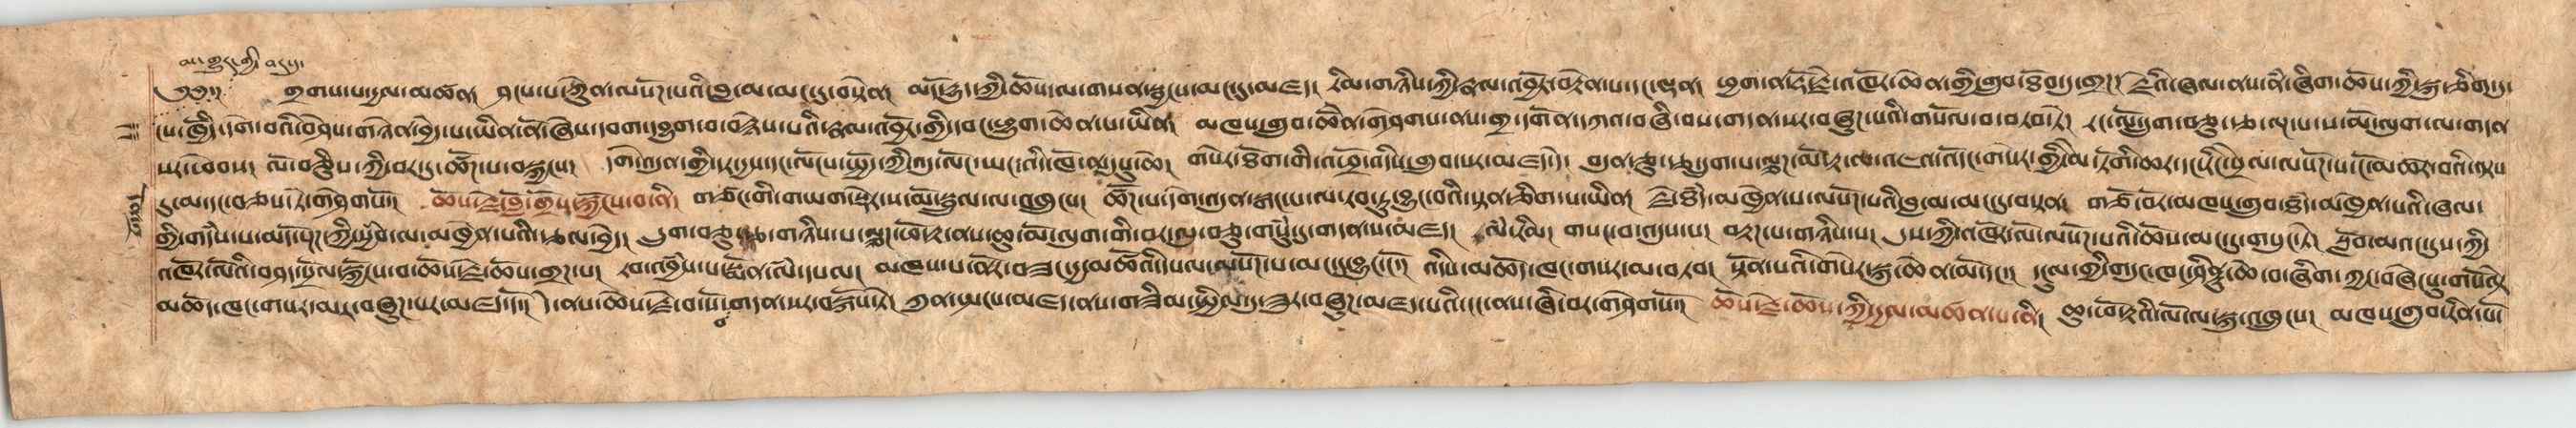༄༅་། གྲགས་པ་དྱལ་མཚན། ཤངས་པ་ཀེུན་ལསོཌ་པའི་བླ་མ་མང་དུ་བསྟེན། མདོ་དྱུད་ཀྱི་ཆོས་ལ་གསན་སྦྱངས་མང་དུ་མཛད། རིམ་གཉིས་ཀྱི་རྣལ་འབྱོར་བརྟེན་པ་དང་ལྡན། ཕྱག་ན་རྡོ་རྗེ་འཁོར་ཆེན་གྱི་གྲུབ་ཐོབ་དུ་གྲཌ། རྗེའི་ཞལ་ནས་ནཾ་ཞིག་ཆོས་ཀྱི་སྐུ་ཅིག་དུ་
ངས་ཁྱོདི་དགེ་བའི་བཤེས་གཉེན་བྱེད་པ་ཡིན་ནོ་ཞེས་དབག་དབྱུག་བ་བརྙེས་པའི་རྣལ་འབྱོར་གྱི་དབང་ཕྱུག་ཆེན་པོ་ཡིན། མཁས་གྲུབ་ཆེནོ་གཤེགས་ནས་གྲ་དགོན་དཀའ་བཞི་བས་གདན་སར་བཞུཌ་པའི་གསོལ་བ་བཏབ་ཏེ། རང་ལོ་དྲུག་བཅུ་རྩ་ལྔ་པ་ས་མོ་ལུག་ལ་གདན
སར་ཕེབས། ལོ་བཅིུས་ཀྱི་བར་དུ་ཚོཌ་པ་བསྐྱངས། དགེ་འདུན་གྱི་དར་དྱས་དང་ལོངས་སྤྱོད་ཀྱི་འདུ་ལོང་ཡང་འདི་ཁོ་ན་དུསུ་ཆེ། གསེར་ཐོག་གི་འཕྲོ་འདིས་གྲུབ་པར་མཛད་དེ། བདུན་ཅུ་རྩ་དྲུག་པ་ལྕཌ་མོ་རྟ་ལ་འཇའ་འོད་དང་གསེར་གྱི་མེ་ཏོགི་ཆར་དང་རིང་སྲེལ་ལསོཌ་པ་ངོ་མཚར་བའི་ལྟས་
དུ་མ་དང་བཅས་ཏེ་གཤེགསོ། ཆོས་རྗེ་བློ་གྲོས་སྐྱོངས་བ་ནི། གཙང་གི་གཡག་སྡེར་ས་མོ་སྦྲུལ་ལ་འཁྲུངས། ཚོཌ་པ་དགེ་འདུན་སྒང་པ་ལ་རབ་ཏུ་བྱུང་བའི་སྟན་ཅིག་པ་ཡིན། རྗེ་ཐཾད་མཁྱེན་པ་ལསོཌ་པའི་བླ་མ་མང་དུ་བསྟན། གཙོ་བོར་མཁས་གྲུབ་ཐཾད་མཁྱེན་པའི་ཞལ་
གྱི་གདཾས་པས་མདོ་སྔད་ཀྱི་སྱཾབ་ལ་མཁྱེན་པའི་རྩལ་བྱེ། དྲུག་ཅུ་རྩ་གཉིས་པ་ལྕཌ་ཕོ་རྟ་ནས་ཆུ་མོ་ལུག་གི་བར་ལུ་བཅུ་གསུཾ་དུ་གདན་ས་མཛད་། ལཾ་རིམ། གསང་བ་འདུས་པ། བརྟཌ་པ་གཉིས་པ། དུས་ཀྱི་འཁོར་ལོ་ལསོཌ་པའི་ཆོས་མང་དུ་གསུང་ཏེ། སློབ་མའང་དུས་ཀྱི་
འཁོར་ལོའི་བཤད་སྲོལ་སྐྱོངས་བ་ཆོས་རྗེ་ཆོས་གྲཌ་པ། རབ་འབྱཾས་པ་སྨོན་ལཾ་དཔལ། མཁས་པ་ནོར་བཟང་དྱ་མཚོའི་དཔལ་ལསོཌ་པ་མང་དུ་བྱུང་ངོ་། འདིས་མཆོད་ཁང་གསར་མ་བཏབ། སྟོན་པའི་གསེར་སྐུ་ཆེན་མོ་དང་། དངུལ་གྱི་གདུང་ཁང་ཤིནྟུ་ཆེ་བ་ཞིག་ཀྱང་བཞེངསུ་གསོལྟེ
མཆོད་ཁང་གསར་མར་བཞུཌ་པར་མཛད་དོ་། དེ་ནས་ཆོས་རྗེ་བ་སོ་བ་གདན་སར་བསྐོས་ཏེ། ཀུན་སྤངས་མཛད་ནས་གཟིམ་སྤྱིལ་དུ་ཟུར་བཞུཌ་མཛད་པའི་ངང་ནས་ཞི་བར་གཤེགསོ་། ཆོས་རྗེ་ཆོས་ཀྱི་དྱལ་མཚན་པ་ནི། ཆུ་ཕོ་རྟའི་ལོ་ལ་སྐུ་འཁྲུངས། མཁས་གྲུབ་རིན་པོ་